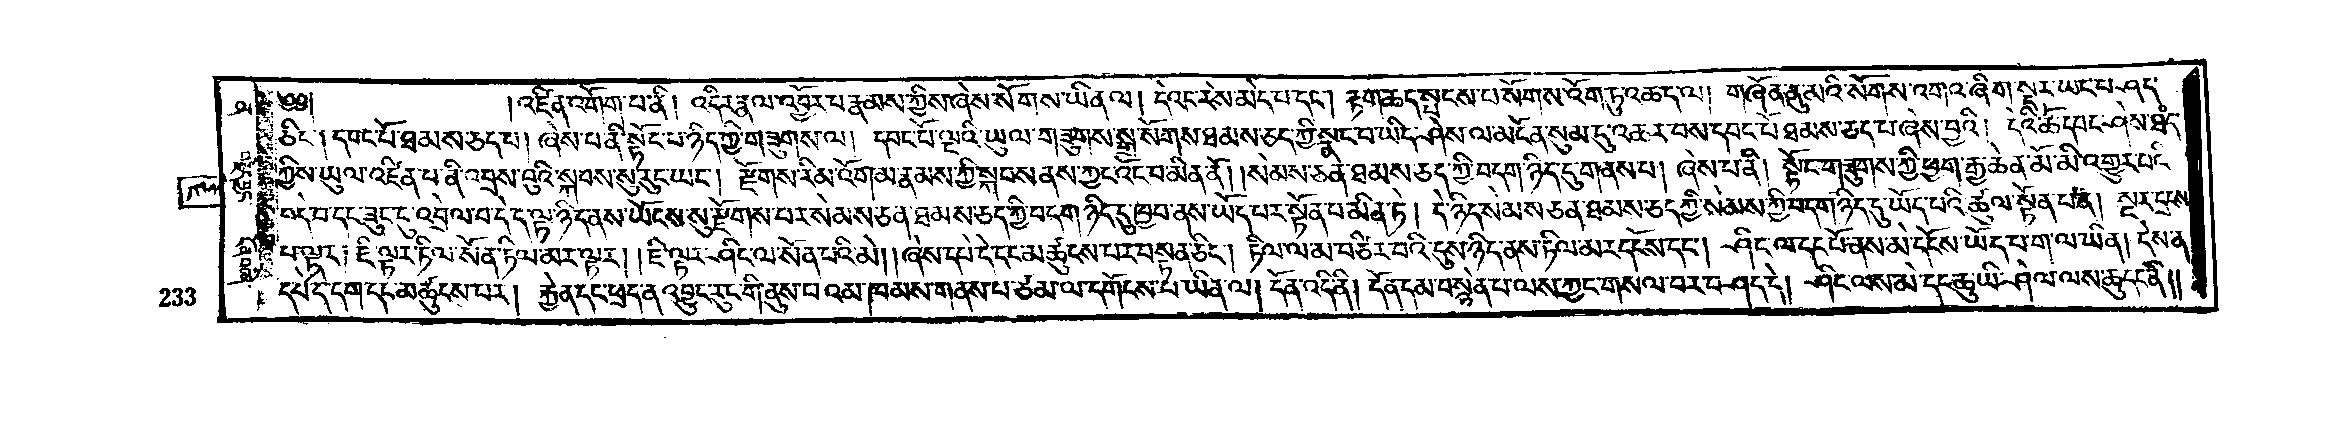༄༅། །འཛིན་འགོག་པ་ནི། འདིར་རྣལ་འབྱོར་པ་རྣམས་ཀྱིས་ཞེས་སོགས་ཡིན་ལ། དེའང་རིས་མེད་པ་དང་།རྟག་ཆད་སྤངས་པ་སོགས་འོག་ཏུ་འཆད་ལ། གཞོན་ནུ་མའི་སོགས་འགའ་ཞིག་སྔར་ཡང་བཤད་
ཅིང་།དབང་པོ་ཐམས་ཅད་པ། ཞེས་པ་ནི་སྟོང་པ་ཉིད་ཀྱི་གཟུགས་ལ། དབང་པོ་ལྔའི་ཡུལ་གཟུགས་སྒྲ་སོགས་ཐམས་ཅད་ཀྱི་སྣང་བ་ཡིད་ཤེས་ལ་མངོན་སུམ་དུ་འཆར་བས་དབང་པོ་ཐམས་ཅད་པ་ཞེས་བྱའི། དེའི་ཚེ་དབང་ཤེས་ཐམས་ཅད་
ཀྱིས་ཡུལ་འཛིན་པ་ནི་འབྲས་བུའི་སྐབས་སུ་རུང་ཡང་། རྫོགས་རིམ་འོག་མ་རྣམས་ཀྱི་སྐབས་ནས་ཀྱང་འོང་བ་མིན་ནོ། །སེམས་ཅན་ཐམས་ཅད་ཀྱི་བདག་ཉིད་དུ་གནས་པ། ཞེས་པ་ནི། སྟོང་གཟུགས་ཀྱི་ཕྱག་རྒྱ་ཆེན་མོ་མི་འགྱུར་བའི་
བདེ་བ་དང་ཟུང་དུ་འབྲེལ་བ་དེ་ད་ལྟ་ཉིད་ནས་ཡོངས་སུ་རྫོགས་པར་སེམས་ཅན་ཐམས་ཅད་ཀྱི་བདག་ཉིད་དུ་ཁྱབ་ནས་ཡོད་པར་སྟོན་པ་མིན་ཏེ། དེ་ཉིད་སེམས་ཅན་ཐམས་ཅད་ཀྱི་སེམས་ཀྱི་བདག་ཉིད་དུ་ཡོད་པའི་ཚུལ་སྟོན་པ་ན། སྔར་དྲངས་
པ་ལྟར། ཇི་ལྟར་ཏིལ་སོན་ཏིལ་མར་ལྟར། །ཇི་ལྟར་ཤིང་ལ་སོན་པའི་མེ། །ཞེས་དཔེ་དེ་དང་མཚུངས་པར་བསྟན་ཅིང་།ཏིལ་ལ་མ་བཙིར་བའི་དུས་ཉིད་ནས་ཏིལ་མར་དངོས་དང་།ཤིང་ལ་དང་པོ་ནས་མེ་དངོས་ཡོད་པ་ག་ལ་ཡིན། དེས་ན་
དཔེ་དེ་དག་དང་མཚུངས་པར། རྐྱེན་དང་ཕྲད་ན་འབྱུང་རུང་གི་ནུས་པའམ་ཁམས་གནས་པ་ཙམ་ལ་དགོངས་པ་ཡིན་ལ། དོན་འདི་ནི། དོན་དམ་བསྙེན་པ་ལས་ཀྱང་གསལ་བར་བཤད་དེ། ཤིང་ལས་མེ་དང་ཆུ་ཡི་ཤེལ་ལས་ཆུ་དང་ནི། །